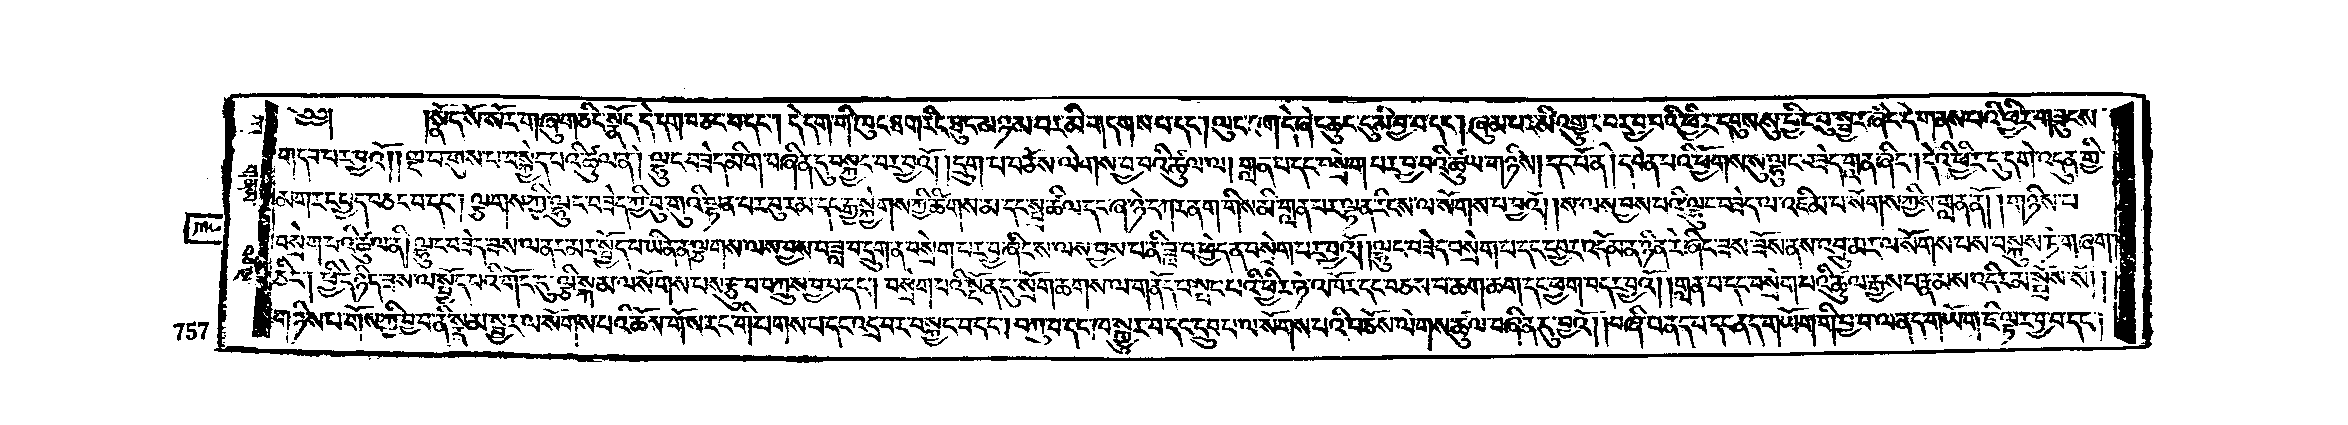༄༅། །སྣོད་སོ་སོར་གཞུག་ཅིང་སྣོད་དེ་དག་བཅང་བ་དང་། དེ་དག་གི་ཁུང་ཐག་རིང་ཐུང་མཉམ་པར་མི་གདགས་པ་དང་། ལུང་ཐག་དེ་ཞིང་ཆུང་དུ་མི་བྱ་བ་དང་། ཞུམ་པར་མི་འགྱུར་བར་བྱ་བའི་ཕྱིར་དབུས་སུ་བྱིང་བུ་སྦྱར་ཞིང་དེ་གནས་པའི་ཕྱིར་གཟུངས་
གདབ་པར་བྱའོ། །ལྔ་པ་གུས་པ་བསྐྱེད་པའི་ཚུལ་ནི། ལྷུང་བཟེད་མིག་བཞིན་དུ་བསྐྱང་བར་བྱའོ། །དྲུག་པ་བཅོས་ལེགས་བྱ་བའི་ཚུལ་ལ། གླན་པ་དང་བསྲེག་པར་བྱ་བའི་ཚུལ་གཉིས། དང་པོ་ནི། དབེན་པའི་ཕྱོགས་སུ་ལྷུང་བཟེད་གླན་ཞིང་། དེའི་ཕྱིར་དུ་དགེ་འདུན་གྱི་
མགར་དཔྱད་བཅང་བ་དང་། ལྕགས་ཀྱི་ལྷུང་བཟེད་ཀྱི་བུ་གུའི་ལྷན་པར་བུ་རམ་དང་རྒྱ་སྐྱེགས་ཀྱི་ཚིགས་མ་དང་སྤྲ་ཚིལ་དང་ཞ་ཉེ་དཀར་ནག་གིས་མི་གླན་པར་ལྷན་རིངས་ལ་སོགས་པ་བྱའོ། །ས་ལས་བྱས་པའི་ལྷུང་བཟེད་ལ་འཇིམ་པ་སོགས་ཀྱིས་གླན་ནོ། །གཉིས་པ་
བསྲེག་པའི་ཚུལ་ནི། ལྷུང་བཟེད་ཟས་ལ་ནར་མར་སྤྱོད་པ་ཡིན་ན་ལྕགས་ལས་བྱས་པ་ཟླ་བ་དྲུག་ན་བསྲེག་པར་བྱ་ཞིང་ས་ལས་བྱས་པ་ནི་ཟླ་བ་ཕྱེད་ན་བསྲེག་པར་བྱའོ། །ལྷུང་བཟེད་བསྲེག་པ་དང་དབྱར་འདོམ་ན་ཉིན་རེ་ཞིང་ཟས་ཟོས་ནས་འབྲུ་མར་ལ་སོགས་པས་བསྐུས་ཏེ་གཞག་
ཅིང་། ཕྱི་དེ་ཉིད་ཟས་ལ་སྤྱོད་པའི་གོང་དུ་ལྕི་སྐམ་ལ་སོགས་པས་རྩུབ་བཀྲུས་བྱ་བ་དང་། བསྲེག་པའི་སྔོན་དུ་སྲོག་ཆགས་ལ་གནོད་པ་སྤང་པའི་ཕྱིར་ཉེ་འཁོར་དང་བཅས་པ་ཆག་ཆག་དང་ཕྱག་བདར་བྱའོ། །གླན་པ་དང་བསྲེག་པའི་ཚུལ་རྒྱས་པ་རྣམས་འདིར་མ་སྤྲོས་སོ། །
གཉིས་པ་གོས་ཀྱི་བྱ་བ་ནི་སྣམ་སྦྱར་ལ་སོགས་པའི་ཆོས་གོས་རང་གི་པགས་པ་དང་འདྲ་བར་བསྐྱང་བ་དང་། བཀུ་བ་དང་ཁ་སྒྱུར་བ་དང་དྲུབ་པ་ལ་སོགས་པའི་བཅོས་ལེགས་ཚུལ་བཞིན་དུ་བྱའོ། །བཞི་པ་ནད་པ་དང་ནད་གཡོག་གི་བྱ་བ་ལ་ནད་གཡོག་ཇི་ལྟར་བྱ་བ་དང་།